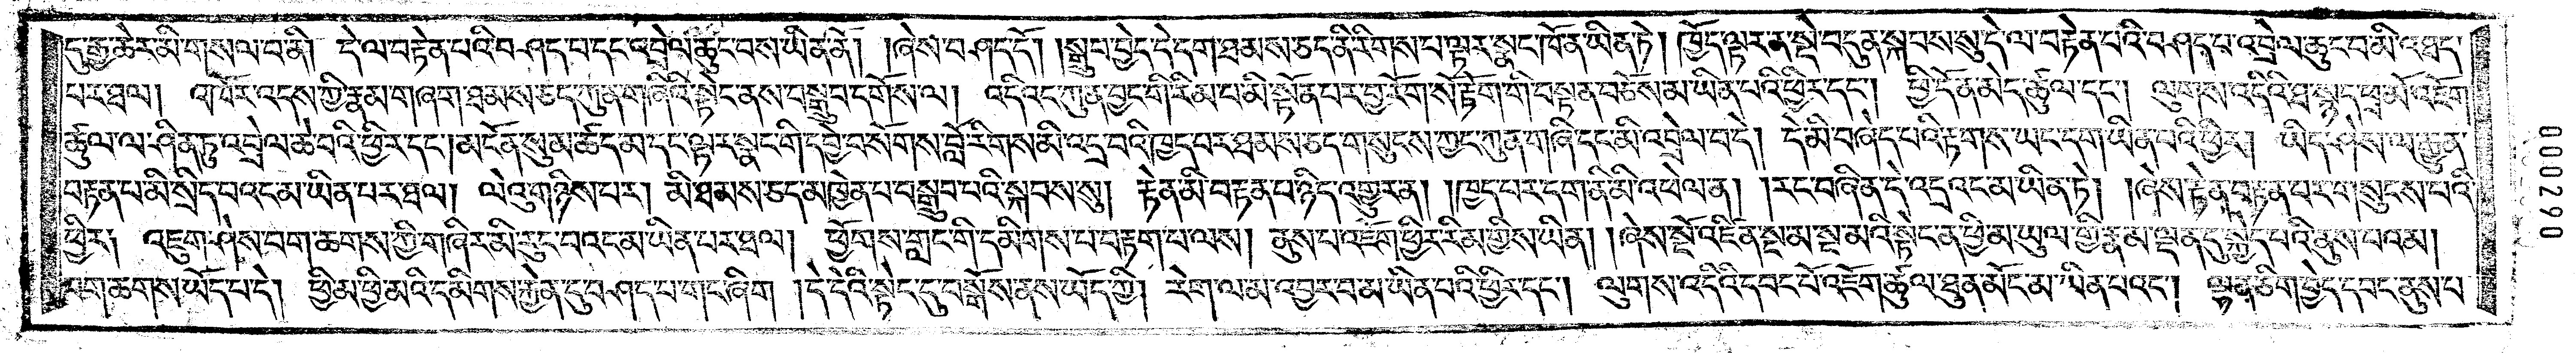དུ་རྒྱ་ཆེར་མི་གསལ་བ་ནི། དེ་ལ་བརྟེན་པའི་བཤད་པ་དང་འབྲེལ་ཆུང་བས་ཡིན་ནོ། །ཞེས་བཤད་དོ། །སྒྲུབ་བྱེད་དེ་དག་ཐམས་ཅད་ནི་རིགས་པ་ལྟར་སྣང་ཁོ་ན་ཡིན་ཏེ། ཁྱོད་ལྟར་ན་སྡེ་བདུན་སྐབས་སུ་དེ་ལ་བརྟེན་པའི་བཤད་པ་འབྲེལ་ཆུང་བ་མི་འཐད་
པར་ཐལ། འཁོར་འདས་ཀྱི་རྣམ་གཞག་ཐམས་ཅད་ཀུན་གཞིའི་སྟེང་ནས་བསྒྲུབ་དགོས་ལ། འདིའང་ཀུན་བྱང་གི་རིམ་པ་མི་སྟོན་པར་བྱ་རོག་སོ་རྟོག་གི་བསྟན་བཅོས་མ་ཡིན་པའི་ཕྱིར་དང་། ཕྱི་དོན་མེད་ཚུལ་དང་། ལུགས་འདིའི་ཐ་སྙད་ཕྲ་མོ་འཇོག་
ཚུལ་ལ་ཤིན་ཏུ་འབྲེལ་ཆེ་བའི་ཕྱིར་དང་། མངོན་སུམ་ཚད་མ་དང་ལྟར་སྣང་གི་དབྱེ་བ་སོགས་བློ་རིགས་མི་འདྲ་བའི་ཁྱད་བར་ཐམས་ཅད་གསུངས་ཀྱང་ཀུན་གཞི་དང་མི་འབྲེལ་བ་དེ། དེ་མི་བཞེད་པའི་རྟགས་ཡང་དག་ཡིན་པའི་ཕྱིར། ཡིད་ཤེས་ལ་རྒྱུན་
བརྟན་པ་མི་སྲིད་པའང་མ་ཡིན་པར་ཐལ། ལེའུ་གཉིས་པར། མི་ཐམས་ཅད་མཁྱེན་པ་བསྒྲུབ་པའི་སྐབས་སུ། རྟེན་མི་བརྟན་པ་ཉིད་འགྱུར་ན། །ཁྱད་པར་དག་ནི་མི་འཕེལ་ནི། །རང་བཞིན་དེ་འདྲའང་མ་ཡིན་ཏེ། །ཞེས་རྟེན་བརྟན་པར་གསུངས་པའི་
ཕྱིར༑ འཇུག་ཤེས་བག་ཆགས་ཀྱི་གཞིར་མི་རུང་བའང་མ་ཡིན་པར་ཐལ། ཕྱོགས་གླང་གི་དམིགས་པ་བརྟག་པ་ལས། ནུས་པ་འཇོག་ཕྱིར་རིམ་གྱིས་ཡིན། །ཞེས་སྔོ་འཛིན་སྔ་མ་སྔ་མའི་སྟེང་ན་ཕྱི་མ་ཡུལ་གྱི་རྣམ་ལྡན་དུ་སྐྱེད་པའི་ནུས་པའམ།
བག་ཆགས་ཡོད་པ་དེ། ཕྱི་མ་ཕྱི་མའི་དམིགས་རྐྱེན་དུ་བཤད་པ་གང་ཞིག །དེ་དེའི་སྟེང་དུ་བསྒོས་ནས་ཡོད་ཀྱི། རེག་ལམ་འབྱར་བ་མ་ཡིན་པའི་ཕྱིར་དང་། ལུགས་འདིའི་དབང་པོ་འཇོག་ཚུལ་ཐུན་མོང་མ་ཡིན་པའང་། ལྷན་ཅིག་བྱེད་དབང་ནུས་པ་